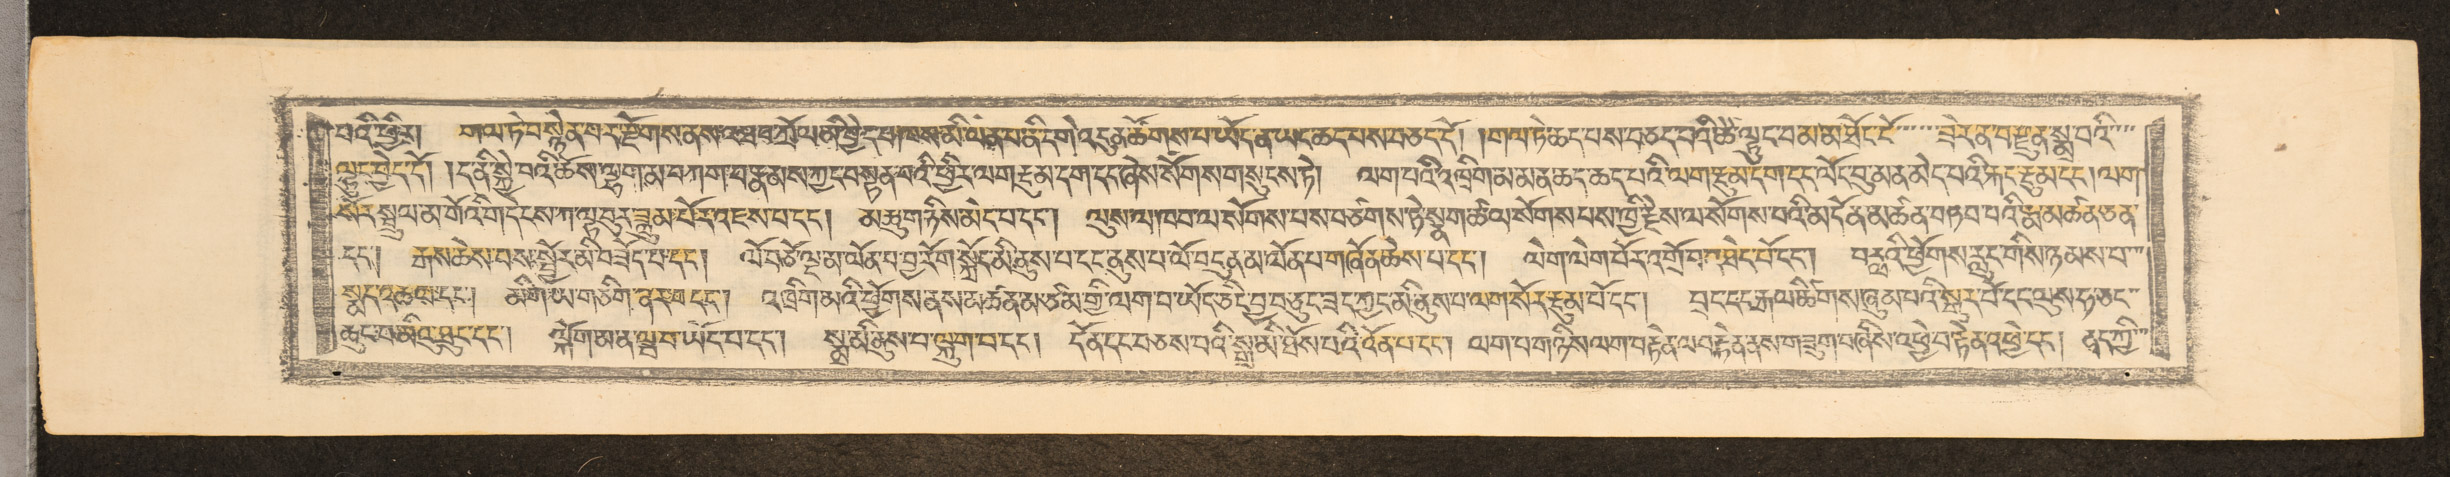པའི་ཕྱིར། གལ་ཏེ་བ་སྙེན་པར་རྫོགས་ནས་འཐབ་ཀྲོལ་མི་བྱེད་པ་ཁས་མི་ལེན་པ་ནི་དགེ་འདུན་ཚོགས་པ་ཡོད་ན་ཡང་ཆད་པས་བཅད་དོ། །གལ་ཏེ་ཆད་པས་བཅད་པའི་ཚེ་ལྟུང་བ་མ་མཐོང་ངོ་ཟེང་ན་བརྫུན་སྨྲ་བའི་
ལྟུང་བྱེད་དོ། །ད་ནི་སྐྱེ་བའི་ཆོས་ལྷག་མ་བཀག་པ་རྣམས་ཀྱང་བསྟན་པའི་ཕྱིར་ལག་རྡུམ་དག་དང་ཞེས་སོགས་གསུངས་ཏེ། ལག་པའི་འཁྲིག་མ་མན་ཆད་ཆད་པའི་ལག་རྡུམ་དག་དང་ལོང་བུ་མན་མེད་པའི་རྐང་རྡུམ་དང་། ལག་
སོར་སྦྲུལ་མགོའི་གདེངས་ཀ་ལྟ་བུར་ཟླུམ་པོར་འཇས་པ་དང་། མཆུ་གཉིས་མེད་པ་དང་། ལུས་ལ་ཁབ་ལ་སོགས་པས་བཙགས་ཏེ་སྣག་ཚ་ལ་སོགས་པས་ཁྱི་རྗེས་ལ་སོགས་པའི་མངོན་མཚན་བཏབ་པའི་རྨ་མཚན་ཅན་
དང་། རྒས་ཆེས་པས་སྦྱོར་མི་བཟོད་པ་དང་། ལོ་བཅོ་ལྔ་མ་ལོན་པ་བྱ་རོག་སྐྲོད་མི་ནུས་པ་དང་ནུས་པ་ལོ་བདུན་མ་ལོན་པ་གཞོན་ཆེས་པ་དང་། ལེག་ལེག་པོར་འགྲོ་བ་འཐེང་པོ་དང་། བརླའི་ཕྱོགས་རླུང་གིས་ཉམས་པ་
སྨད་འཆལ་དང་། མིག་ཡ་གཅིག་ཞར་བ་དང་། འཁྲིག་མའི་ཕྱོགས་ནས་མཚན་མ་ཙམ་གྱི་ལག་པ་ཡོད་ཅིང་བྱ་བ་ཅུང་ཟད་ཀྱང་མི་ནུས་པ་ལག་སོར་རྡུམ་པོ་དང་། བྲང་དང་རྒལ་ཚིགས་ཞུམ་པའི་སྒུར་པོ་དང་ལུས་ཧ་ཅང་
ཆུང་བ་མིའུ་ཐུང་དང་། ལྐོག་མ་ན་ལྦ་བ་ཡོད་པ་དང་། སྨྲ་མི་ནུས་པ་ལྐུག་པ་དང་། དོན་དང་བཅས་པའི་སྒྲ་མི་ཐོས་པའི་འོན་པ་དང་། ལག་པ་གཉིས་ལག་བརྟེན་ལ་བརྟེན་ནས་གཟུགས་བཞིས་འཕྱེ་བ་རྟེན་འཕྱེ་དང་། ནད་ཀྱི་